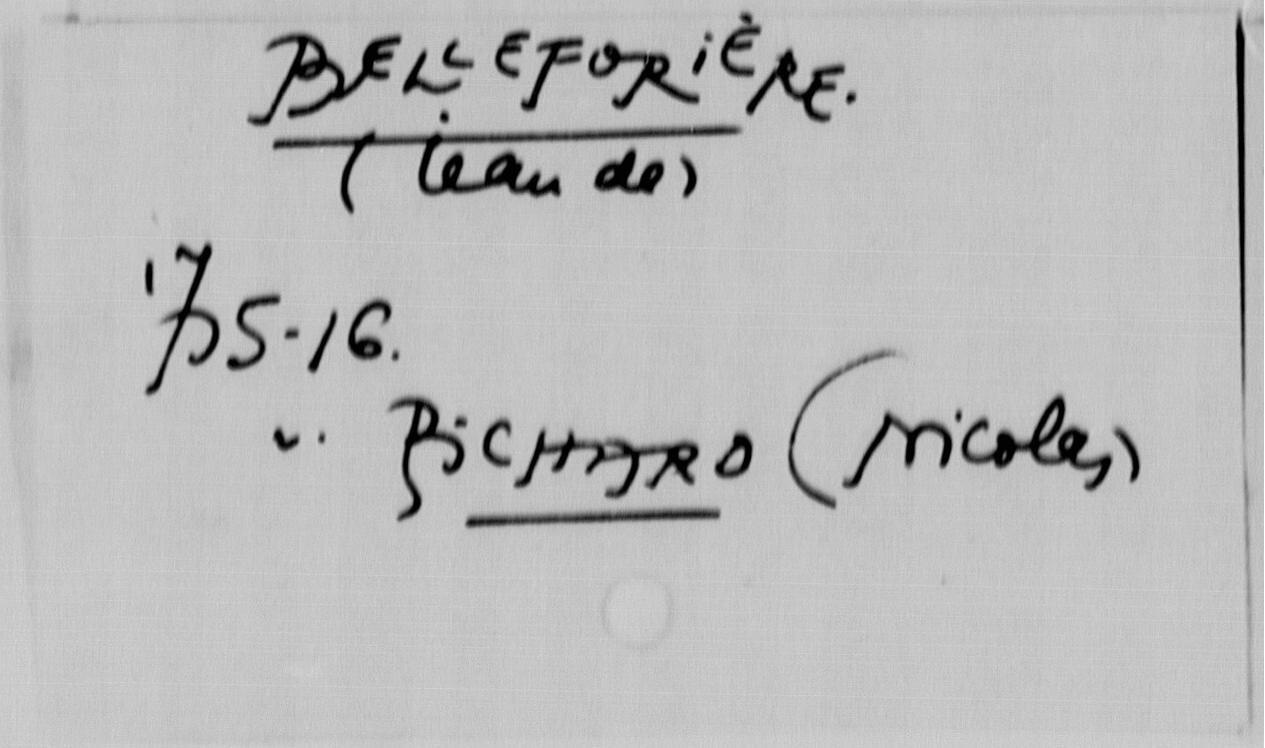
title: bELLEFORIÈRE (Jean de)
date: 1715-1716
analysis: Voir RICHARD (Nicolas)
